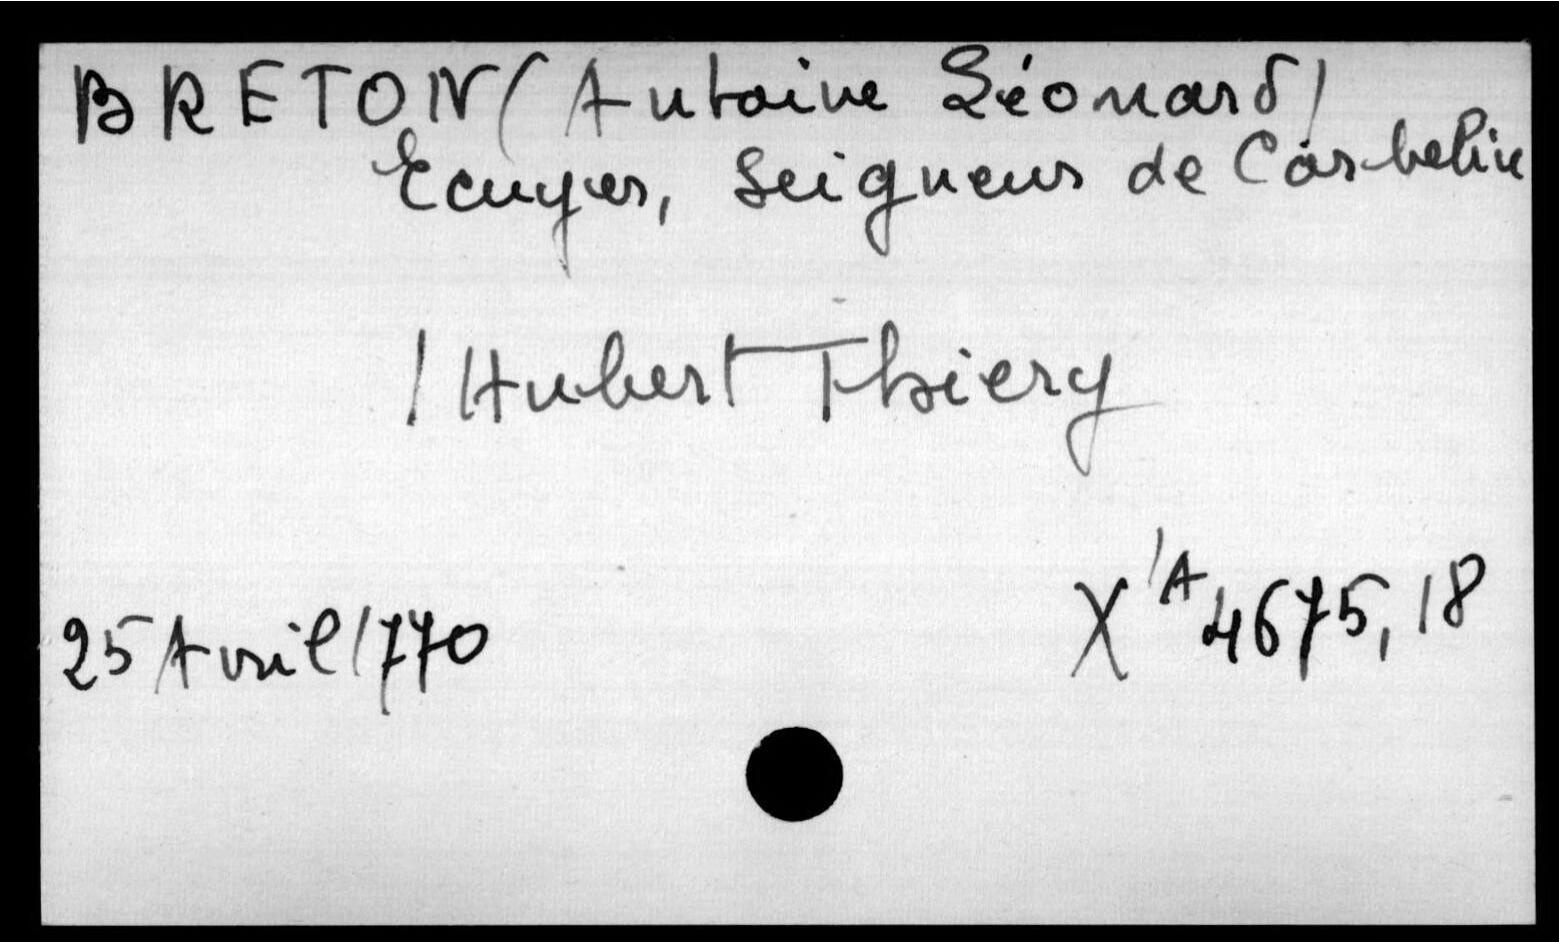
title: BRETON (Antoine Léonard) Écuyer, seigneur de Corbelin
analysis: Contre Hubert Thiery
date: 25 avril 1770
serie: X1A
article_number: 4675
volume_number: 18
